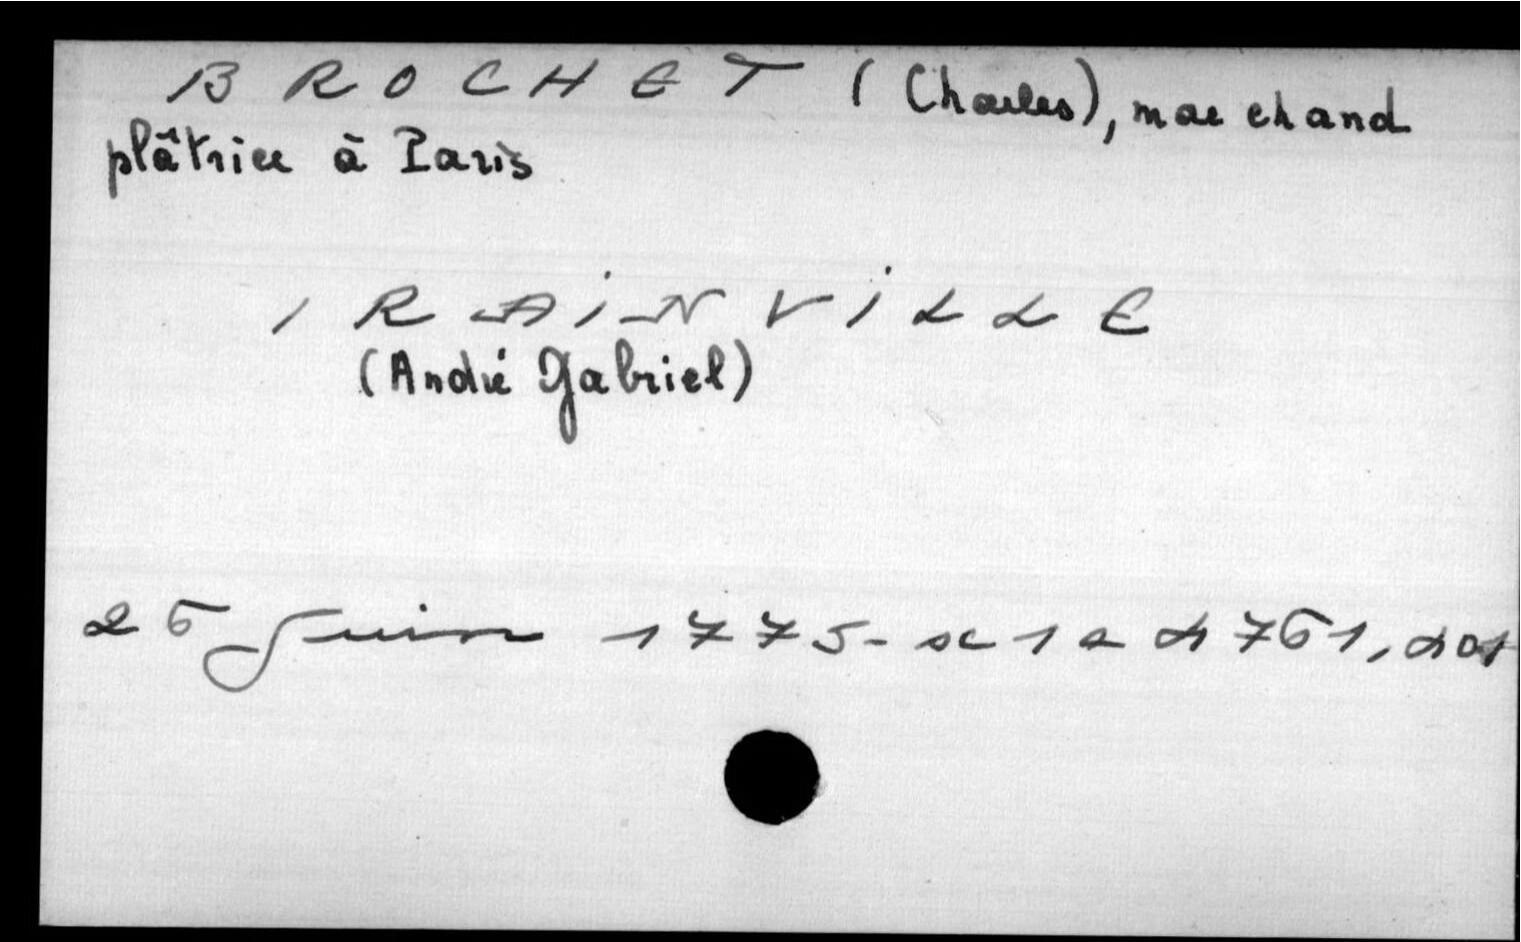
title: BROCHET (Charles), marchand plâtrier à Paris
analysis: Contre Rainville (André Gabriel)
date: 26 juin 1775
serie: X1a
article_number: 4761
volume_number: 401
